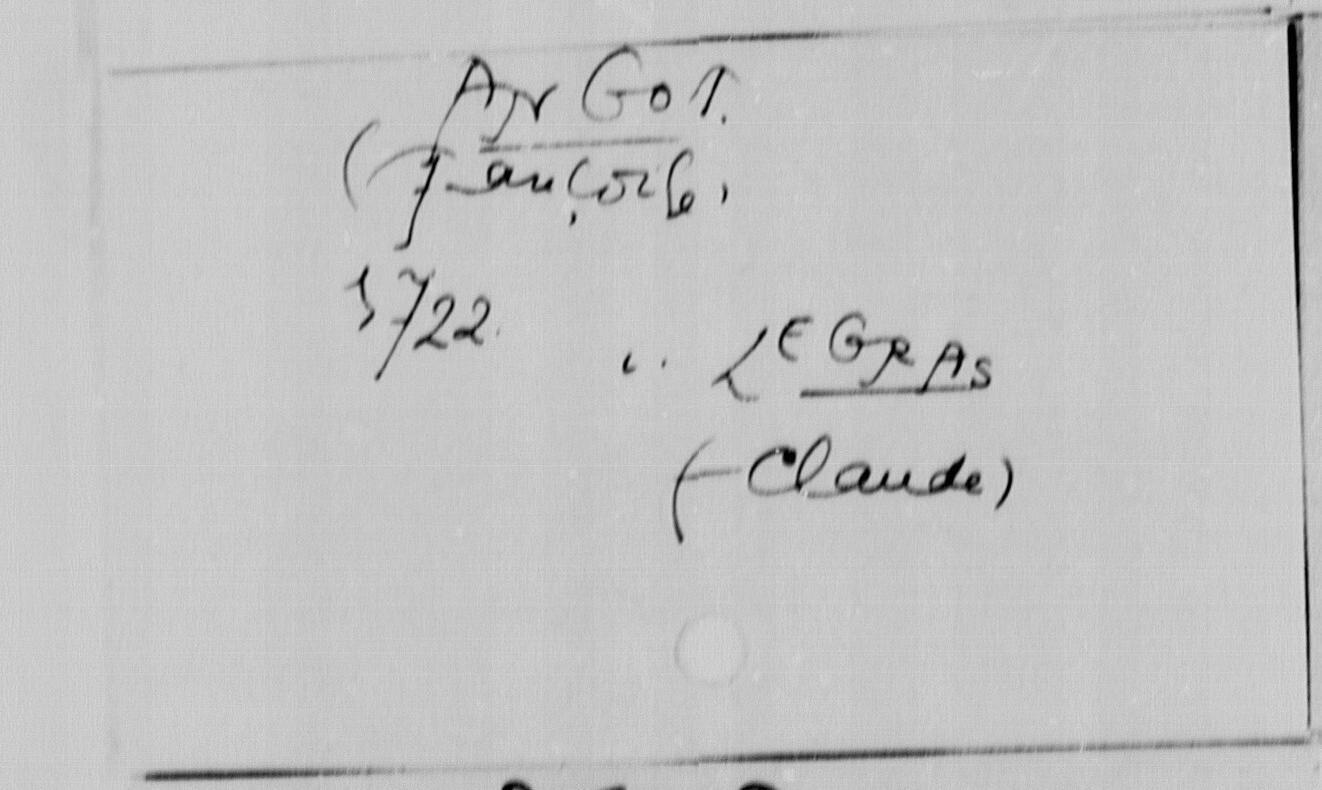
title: ANGOT (Françoise)
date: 1722
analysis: Voir LEGRAS (Claude)
